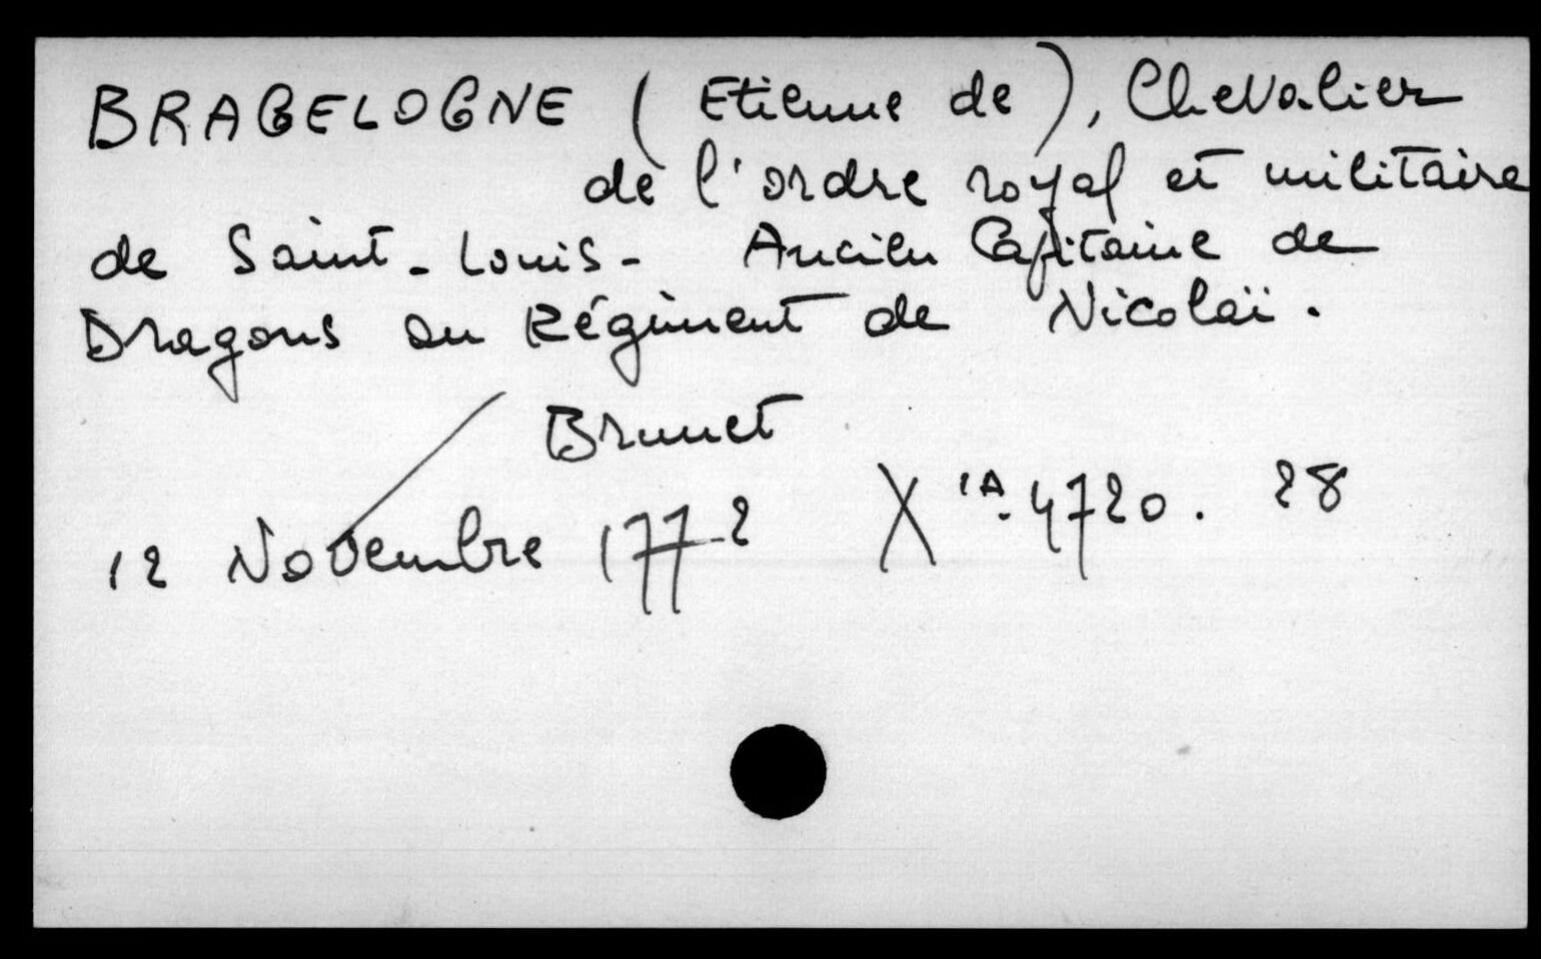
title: BRAGELOGNE (Etienne de), Chevalier de l'ardre royal et militaire de Saint-Louis. Ancien capitaine de dragons du régiment de Nicolaï
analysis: Contre Brunet
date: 12 novembre 1772
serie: X1A
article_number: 4720
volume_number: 28
